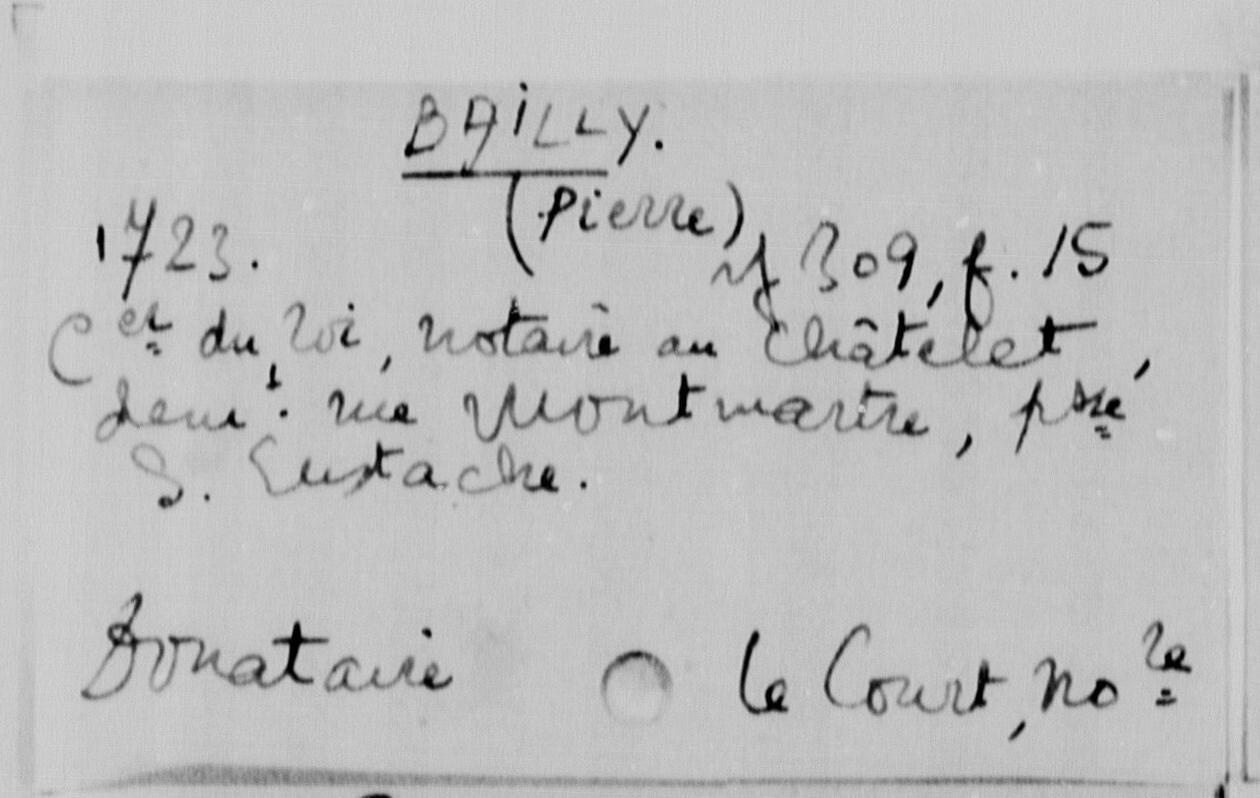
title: BAILLY (Pierre)
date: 1723
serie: Y
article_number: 309
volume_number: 15
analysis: Conseiller du roi, notaire au Châtelet demeurant rue Montmartre, paroisse Saint-Eustache. Donataire. Le Court, notaire.
